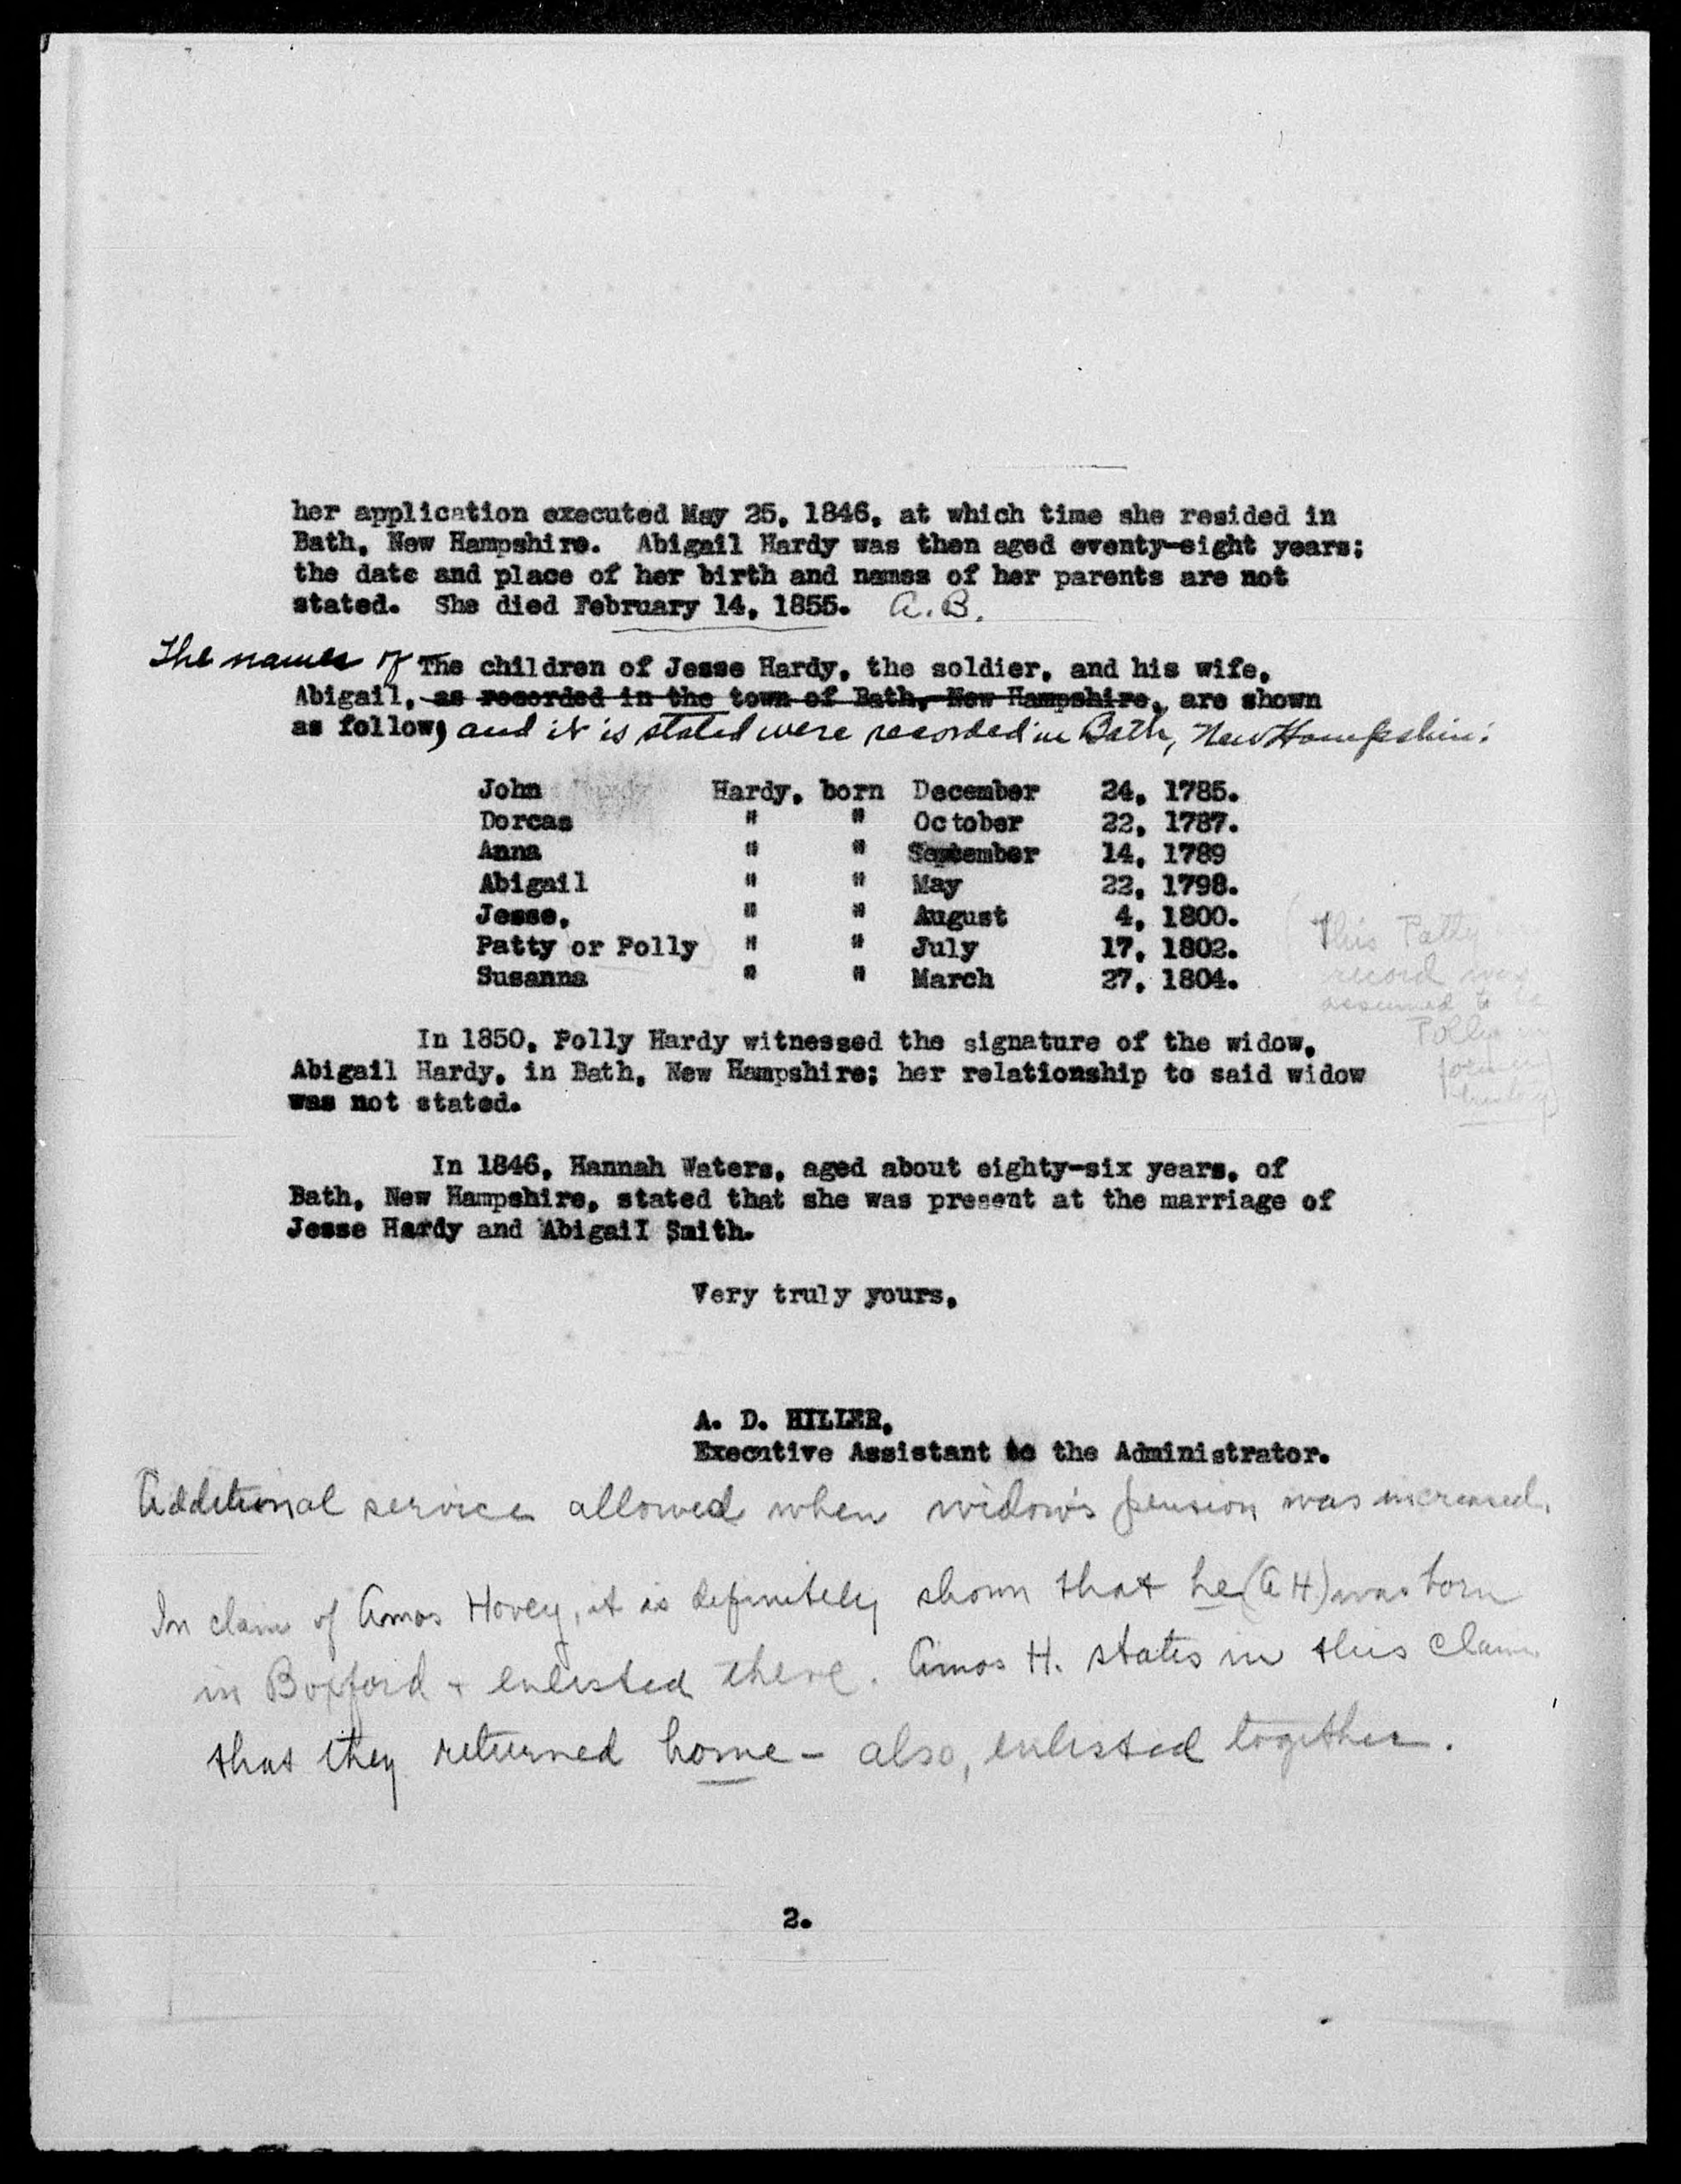her application executed May 25, 1846, at which time she resided in Bath, New Hampshire. Abigail Hardy was then aged eventy-eight years; the date and place of her birth and names of her parents are not stated. She died February 14, 1856. A. B. 
The names of the children of Jesse Hardy, the soldier, and his wife, Abigail, [crossed out: as recorded in the town of Bath, New Hampshire] , are shown as follows, and it is stated were recorded in Bath, New Hampshire

John Hardy, born December 24, 1785
Dorcas " " October 22, 1787
Anne " " September 14, 1789
Abigail " "  May 22 1798
Jesse, " : August 4, 1800
Patty or Polly " " July 17, 1802
Susanna " " March 27, 1804

(this Patty in  record was presumed to be Polly in [illegible] history. )
In 1850, Polly Hardy witnessed the signature of the widow, Abigail Hardy, in Bath, New Hampshire; her relationship to said widow was not stated.  
In 1846, Hannah Waters, aged about eighty-six years, of Bath, New Hampshire, stated that she was present at the marriage of Jesse Hardy and Abigail Smith. 

A. D. HILLER, 2 Executive Assisant to the Administrator. 
Additional service allowed when widow's pension was increased, In claim of Amos Hovey, it is definitely shown that he (AH) waborn in Boxford & enlisted there. Amos H. States in this claim that they returned home - also enlisted together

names: Susanna, Abigail Hardy, Abigail Smith, Polly, Abigail Hardy, Amos Hovey, Dorcas, John, A D Hiller, Amos H, Patty, Jesse Hardy, Anna, Abigail, Jesse Hardy, Polly Hardy, Polly, Patty, Jesse, Hannah Waters, Abigail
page: 17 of 67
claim: widow's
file: W. 23183, Jesse Hardy, Mass.